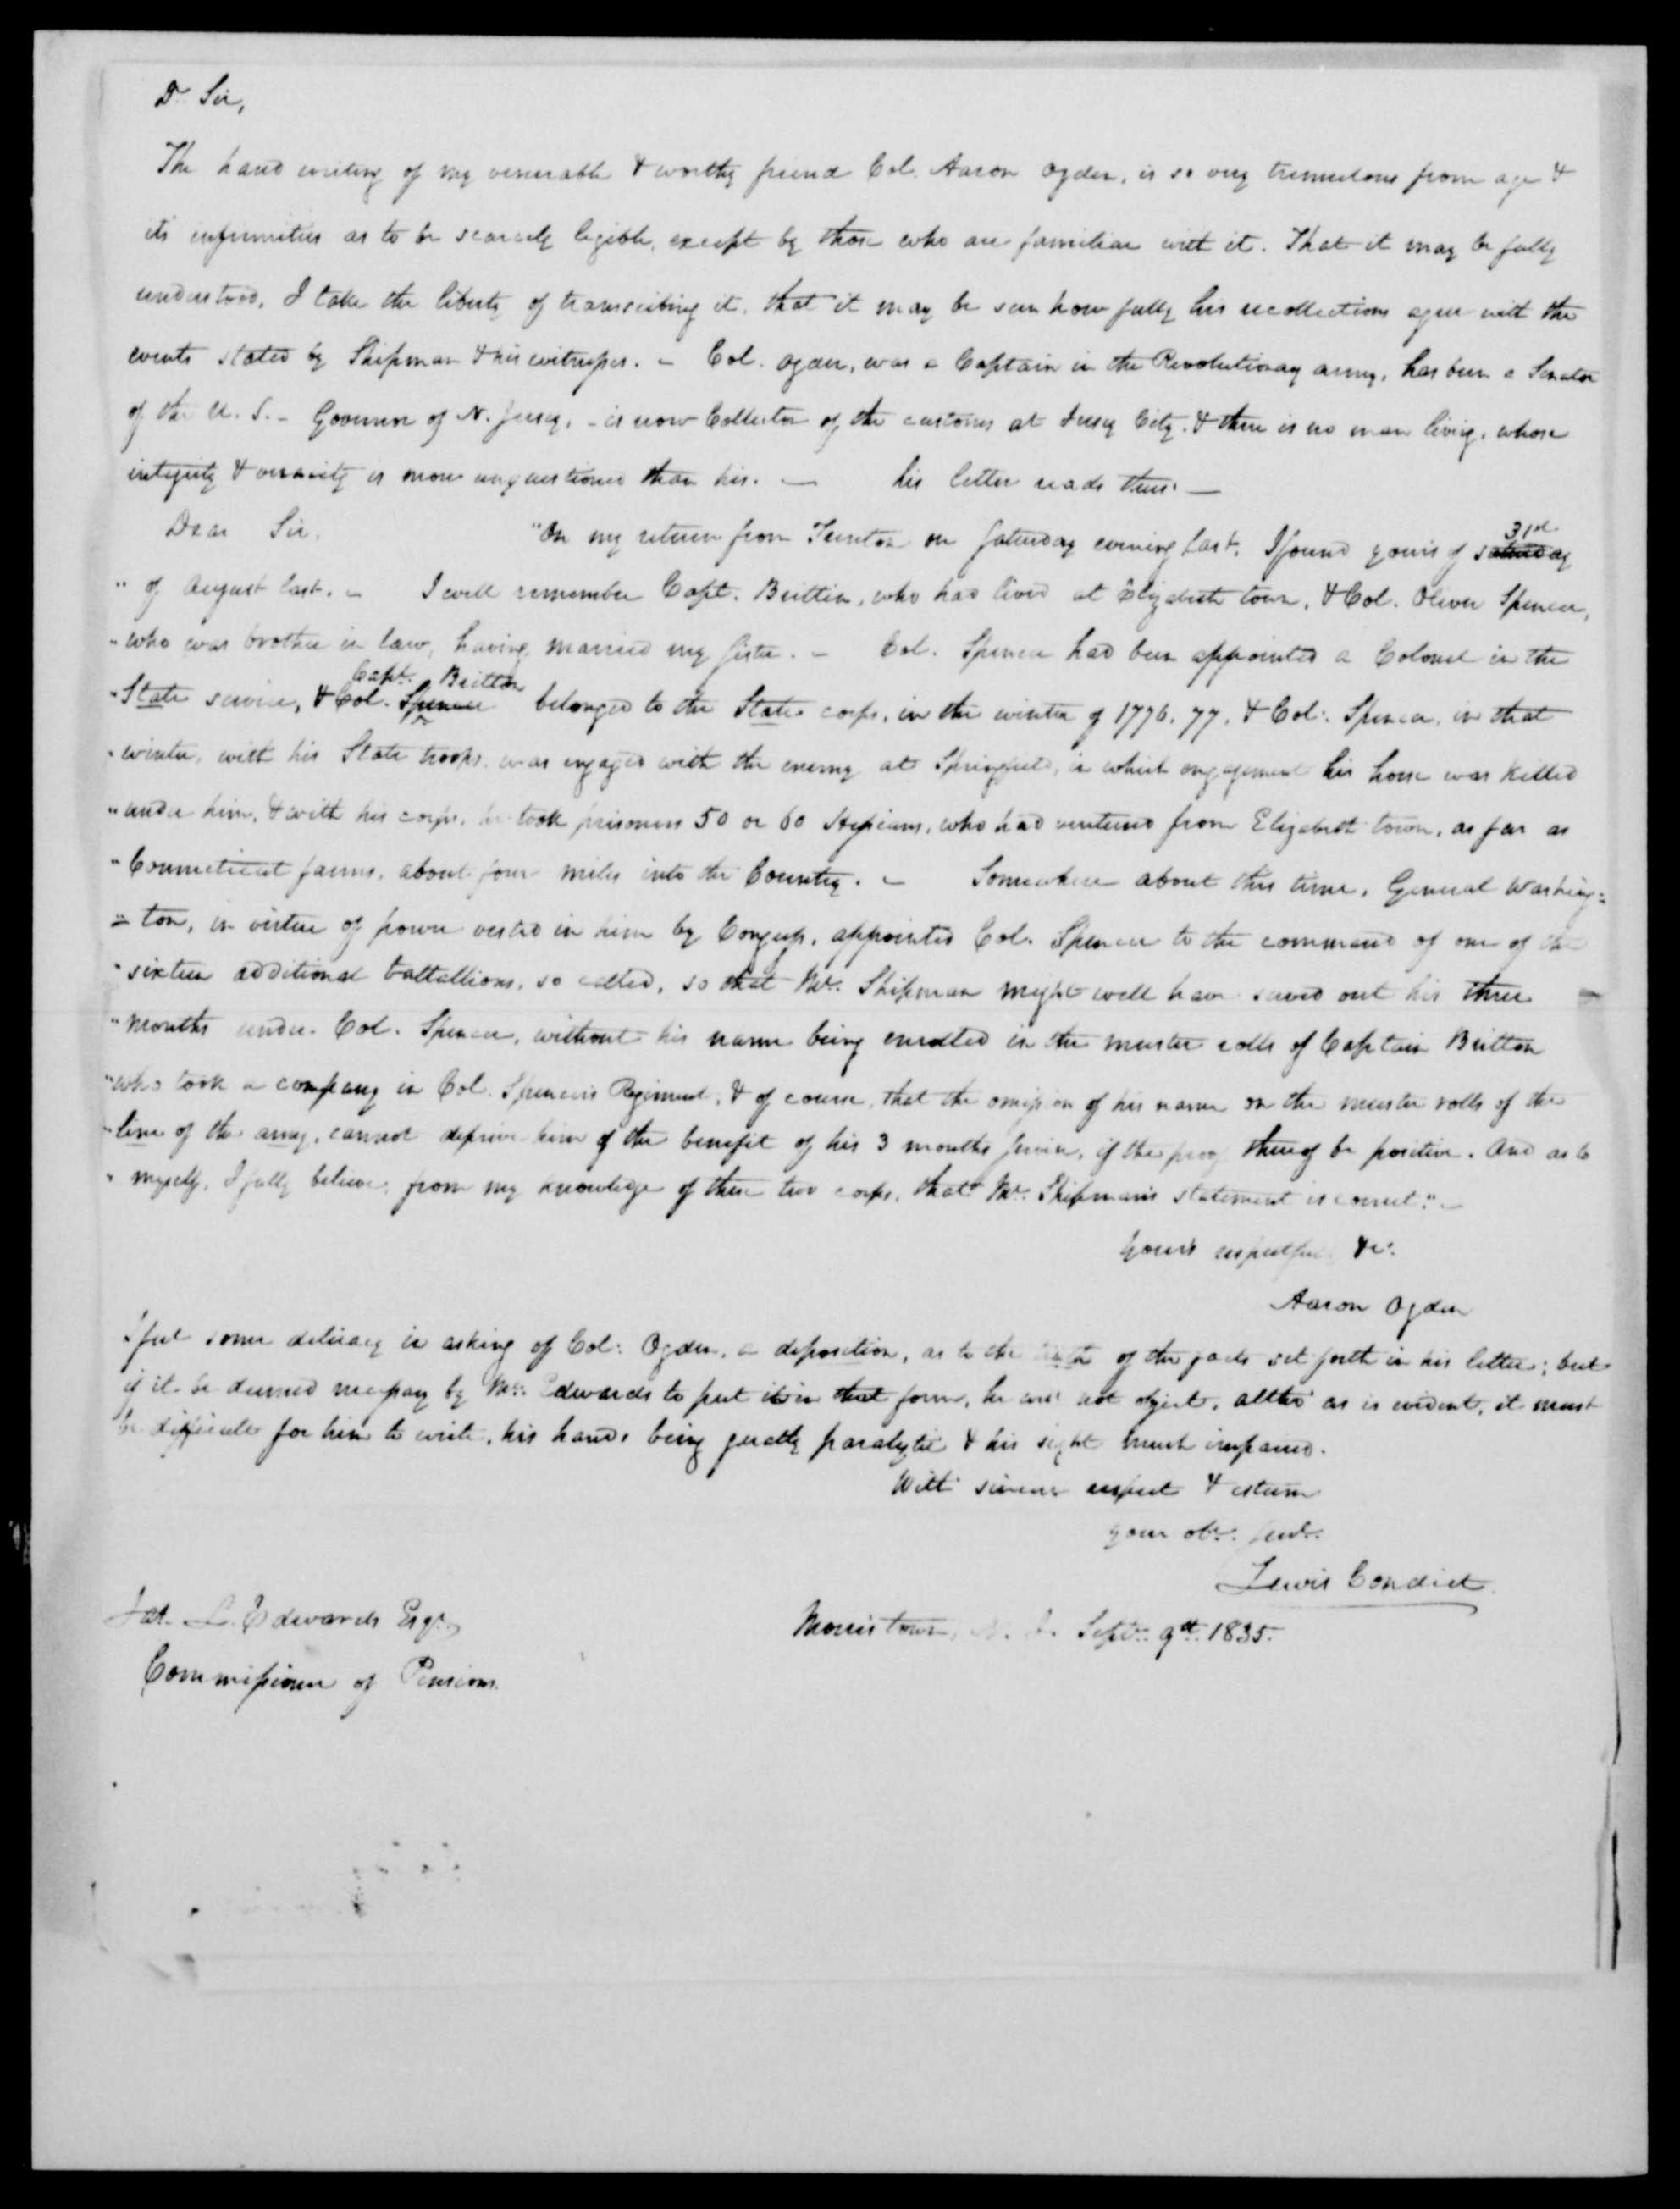Dr. Sir,
    The hand writing of my venerable + worthy friend Col Aaron Ogden is in my tremulous from age + its infirmities as to be scarcely legible, except by those who are familiar with it.  That it may be fully understood, I take the liberty of transcribing it, that it may be seen how fully his recollections agree with the words stated by Shipman + his witnesses.  Col. Ogden was a Captain in the Revolutionary army has been a Senator of the U.S, Governor of N Jersey -- is now Collector of the customs at Jersey City + there is no man living whose integrity + veracity is more unquestioned than his. -- his letter reads thus:  
Dear Sir, On my return from Trenton on Saturday evening last, I found yours 31st of August last.  I well remember Capt. Brittin, who has lived at Elizabeth town + Col. Oliver Spencer, who was brother in law, having married my sister.  -- Col. Spencer has been appointed a Colonel in the State service + Capt. Brittin belonged to the State corps in the winter of 1776.77 + Col. Spencer in that winter with his State troops was engaged with the enemy at Springfield in which [       ] his home was killed under him, + with his comp.  I took prisoners 50 or 60 Hessians, who had returned from Elizabeth town, as far as Connecticut farms, about four miles into the County.  Somewhere about this time, General Washington, in virtue of power vested in him by Congress, appointed Col. Spencer to the command of one of the sixteen additional battalions, so called, so that Mr. Shipman might well have served out his three months under Col. Spencer, without his name being enrolled in the master rolls of Captain Britton who took a company in Col. Spencer's regiment + of course that the omission of his name on the master rolls of the line of the army cannot deprive him of the benefit of his 3 months service if the proof thereof be positive, and as to myself, I fully believe from my knowledge of the two corps, that Mr. Shipman's statement is correct. Yours respectfully: Aaron Ogden
 I feel some delicacy in asking of Col. Ogden, in deposition, as to the truths of the parts set forth in his letter; but if it be desired [illeg] by Mr. Edwards to put it in that form, he will not object, altho' as is evident, it must be difficult for him to write, his hand being greatly paralyzed + his sight much impaired.  With sincere respect + esteem, Your obt. servt. Lewis Condict  Morristown N.J. Sept. 9th 1835
Jas. L. Edwards Esqr.
Commissioner of Pensions.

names: [BLANK] Spencer; Aaron Ogden; [BLANK] Washington; [BLANK] Spencer; [BLANK] Brittin; [BLANK] Brittin; Jas L Edwards; [BLANK] Shipman; [BLANK] Ogden; [BLANK] Edwards; Aaron Ogden; [BLANK] Brittin; Oliver Spencer; [BLANK] Spencer; [BLANK] Shipman; Lewis Condict; [BLANK] Ogdee; [BLANK] Spencer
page: 20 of 44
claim: survivor's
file: S. 912, for Samuel Shipman, New Jersey